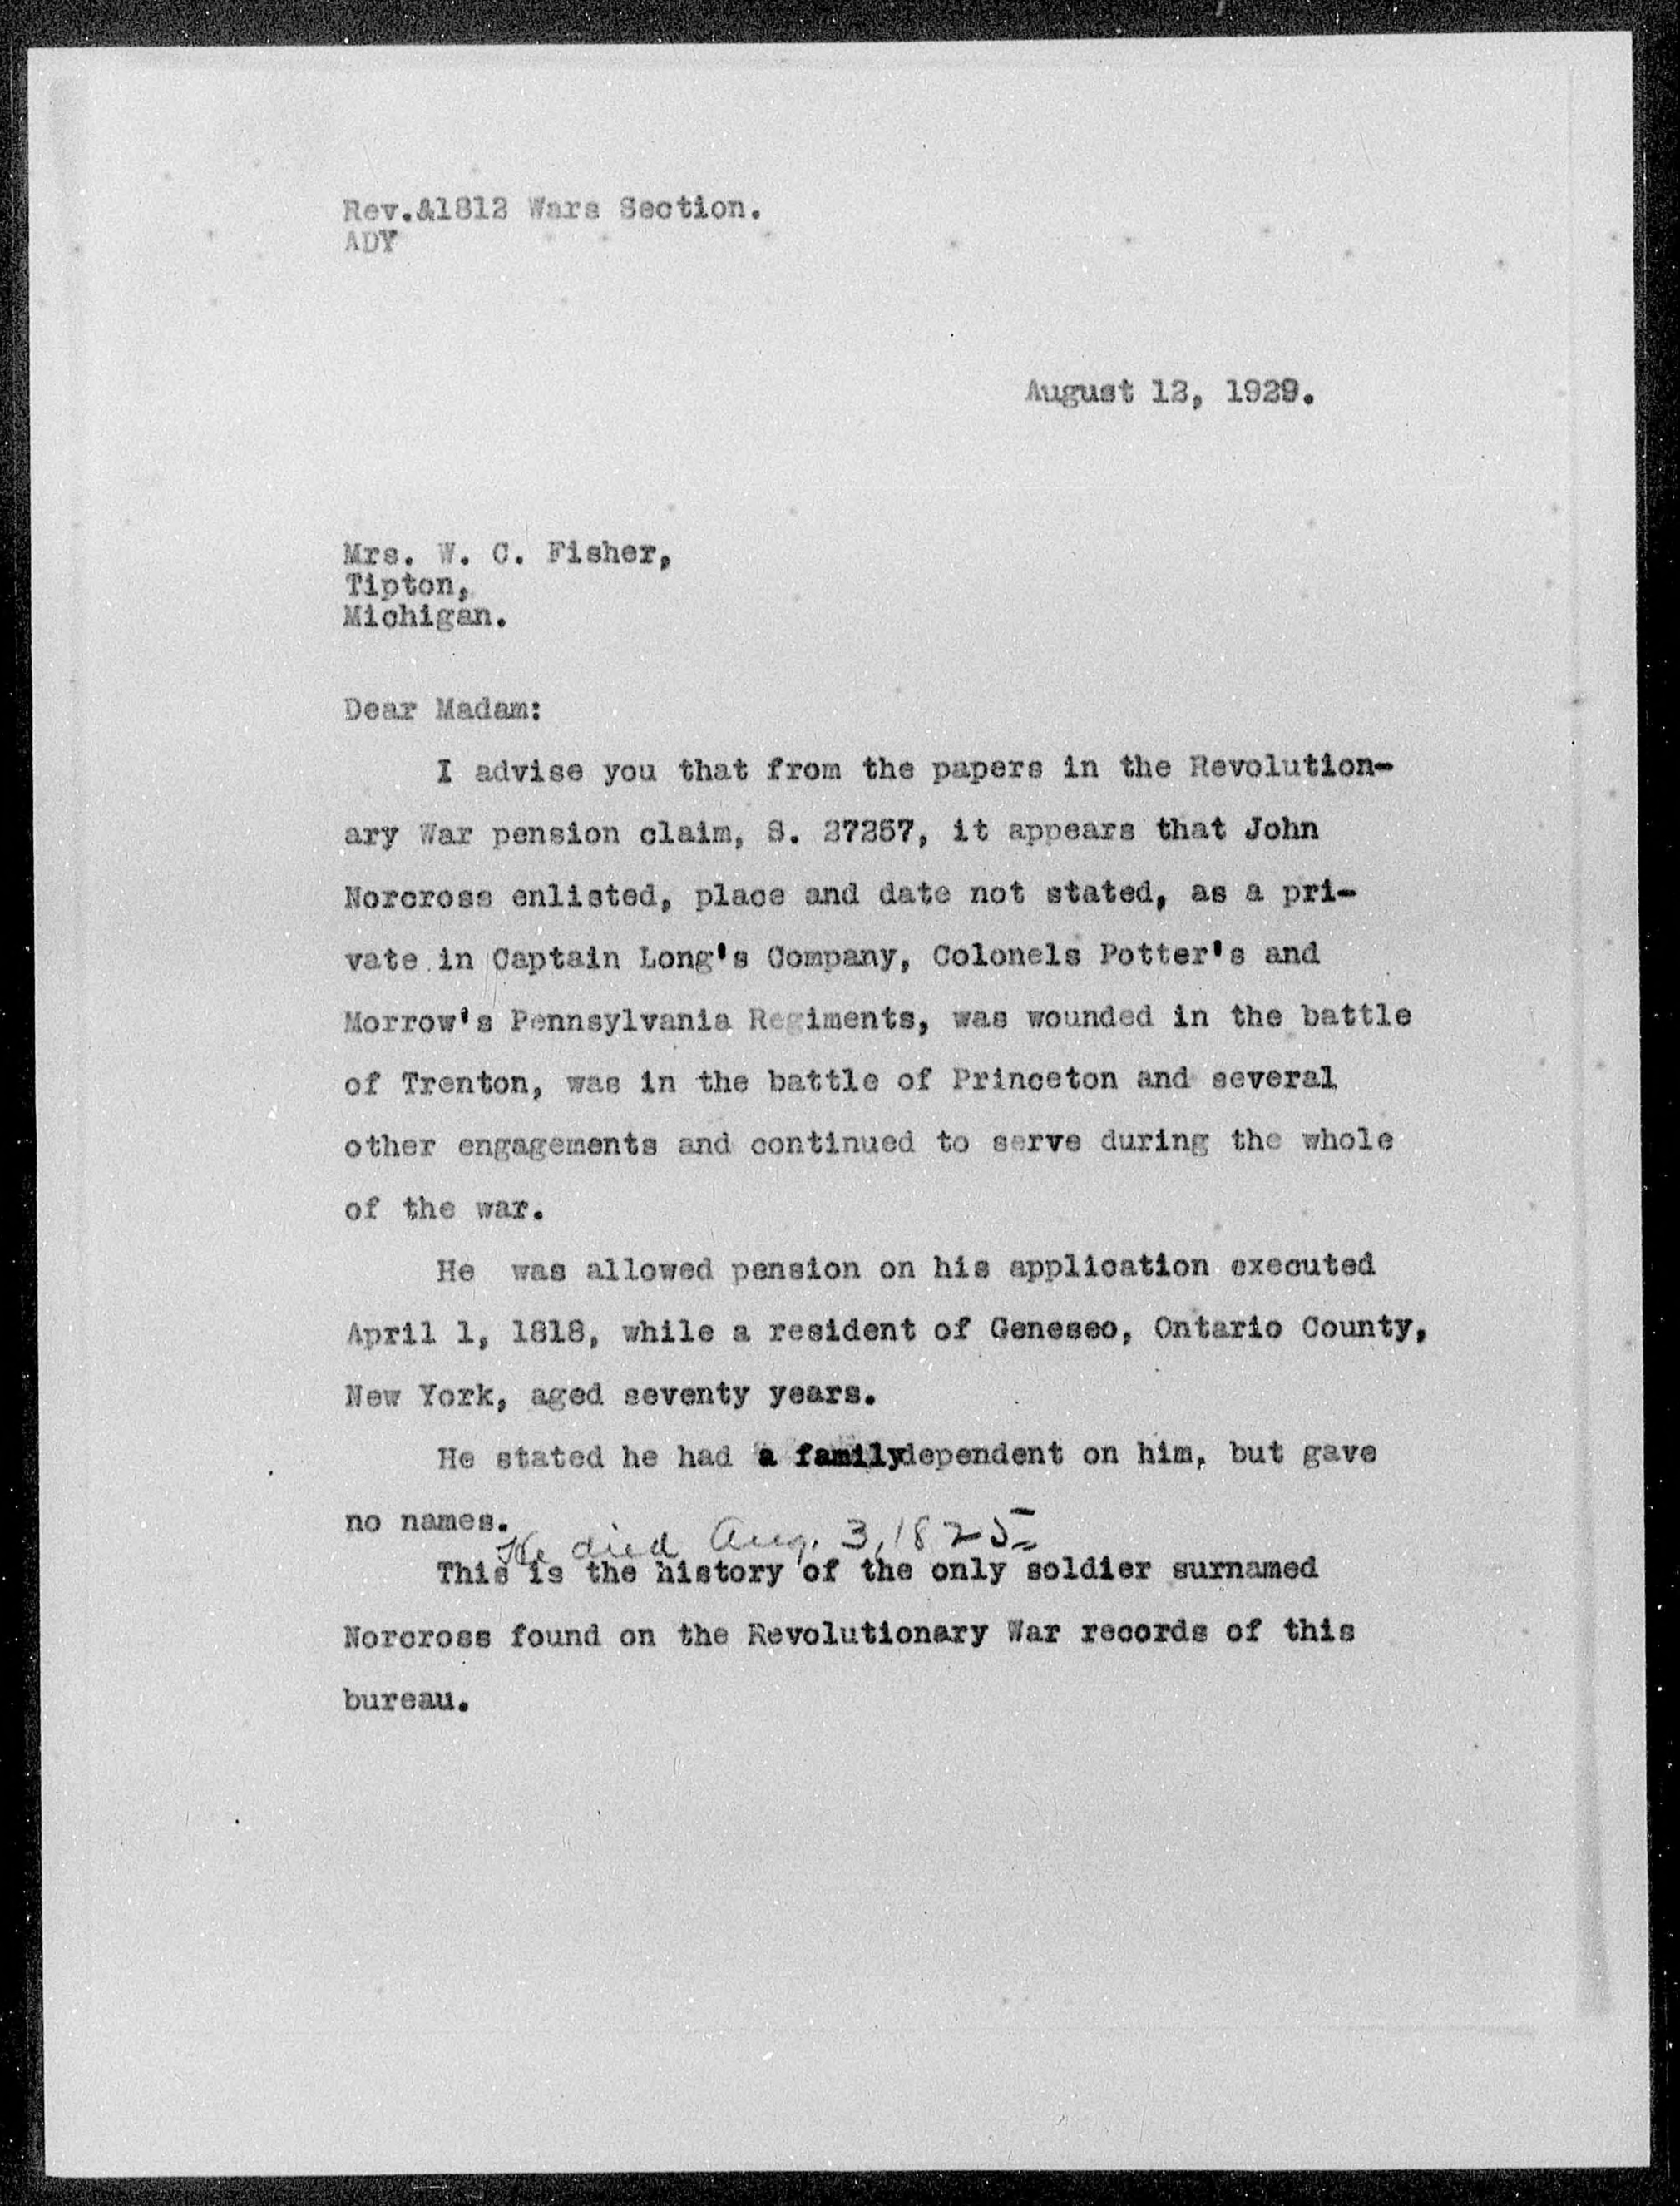Rev.&1812 Wars Section.
ADY

August 12, 1929.

Mrs. W. C. Fisher,
Tipton, Michigan.

Dear Madam,
I advise you that from the paper in the Revolutionary War pension claim, S. 27257, it appears that John Norcross enlisted, place and date not stated, as a private in Captain Long's Company, Colonels Potter's and Morrow's Pennsylvania Regiments, was wounded in the battle of Trenton, was in the battle of Princeton and several engagements and continued to serve the whole of the war.

He was allowed pension on his application executed April 1, 1818, while a resident of Geneseo, ( Genessee), Ontario County, New York, aged seventy years.

He stated he had a family dependent on him, but gave no names.
(Handwritten: He died Aug. 3, 1825.)

This is the history of the only soldier surnamed Norcross found on the Revolutionary War records of this bureau.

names: John Norcross; W C Fisher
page: 10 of 23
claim: survivor's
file: S. 27257, for John Norcross, Pennsylvania